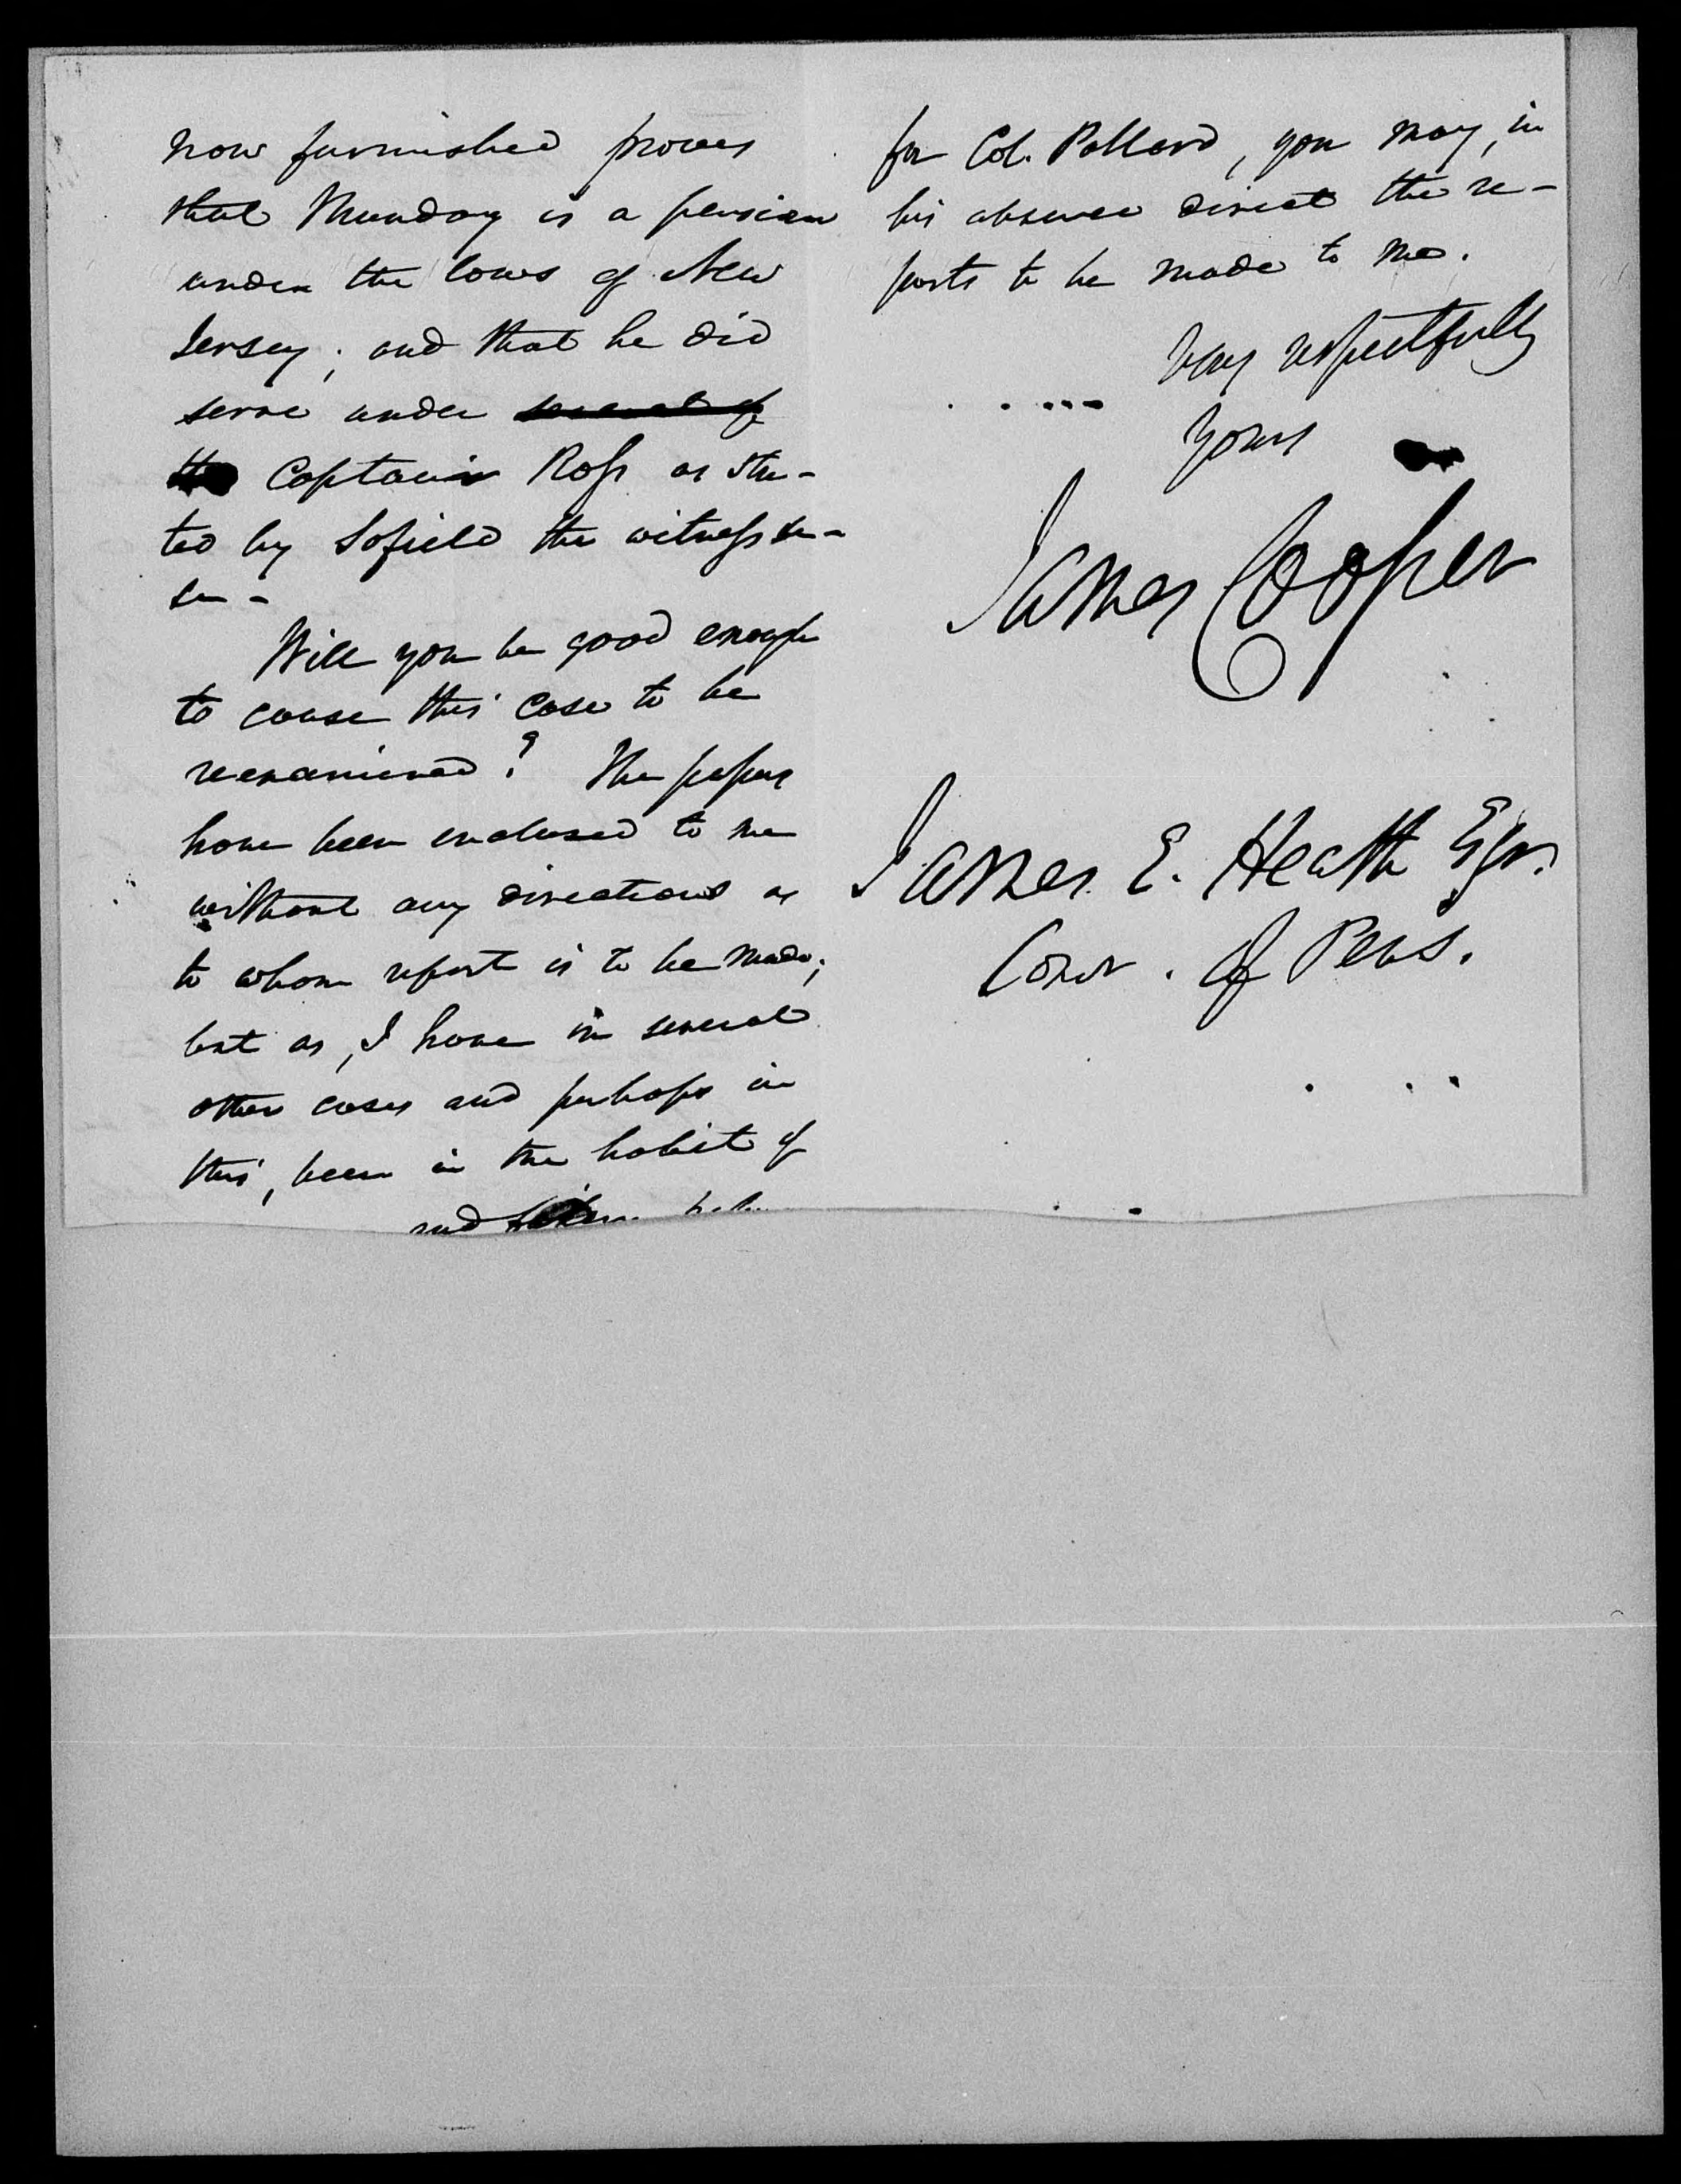...now finished proves that Monday is a pensioner under the laws of New Jersey; and that he did serve under [crossed out: several of] Captain Ross as stated by Sofield, the witness &c., &c.

Will you be good enough to cause this case to be reexamined? The papers have been enclosed to me without any directions as to whom report is to be made; but as I have in several other cases and perhaps in this; been in the habit of [illegible] and for him believe for Col. Pollard, you may in his absence direct the reports to be made to me.

Very respectfully yours,
s/ James Cooper

James E. Heath Esq., Com(missioner) of Pensions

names: James E Heath; [BLANK] Munday; James Cooper; [BLANK] Ross; [BLANK] Pollard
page: 46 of 95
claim: survivor's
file: S 2889, for Levi Mundy, New Jersey